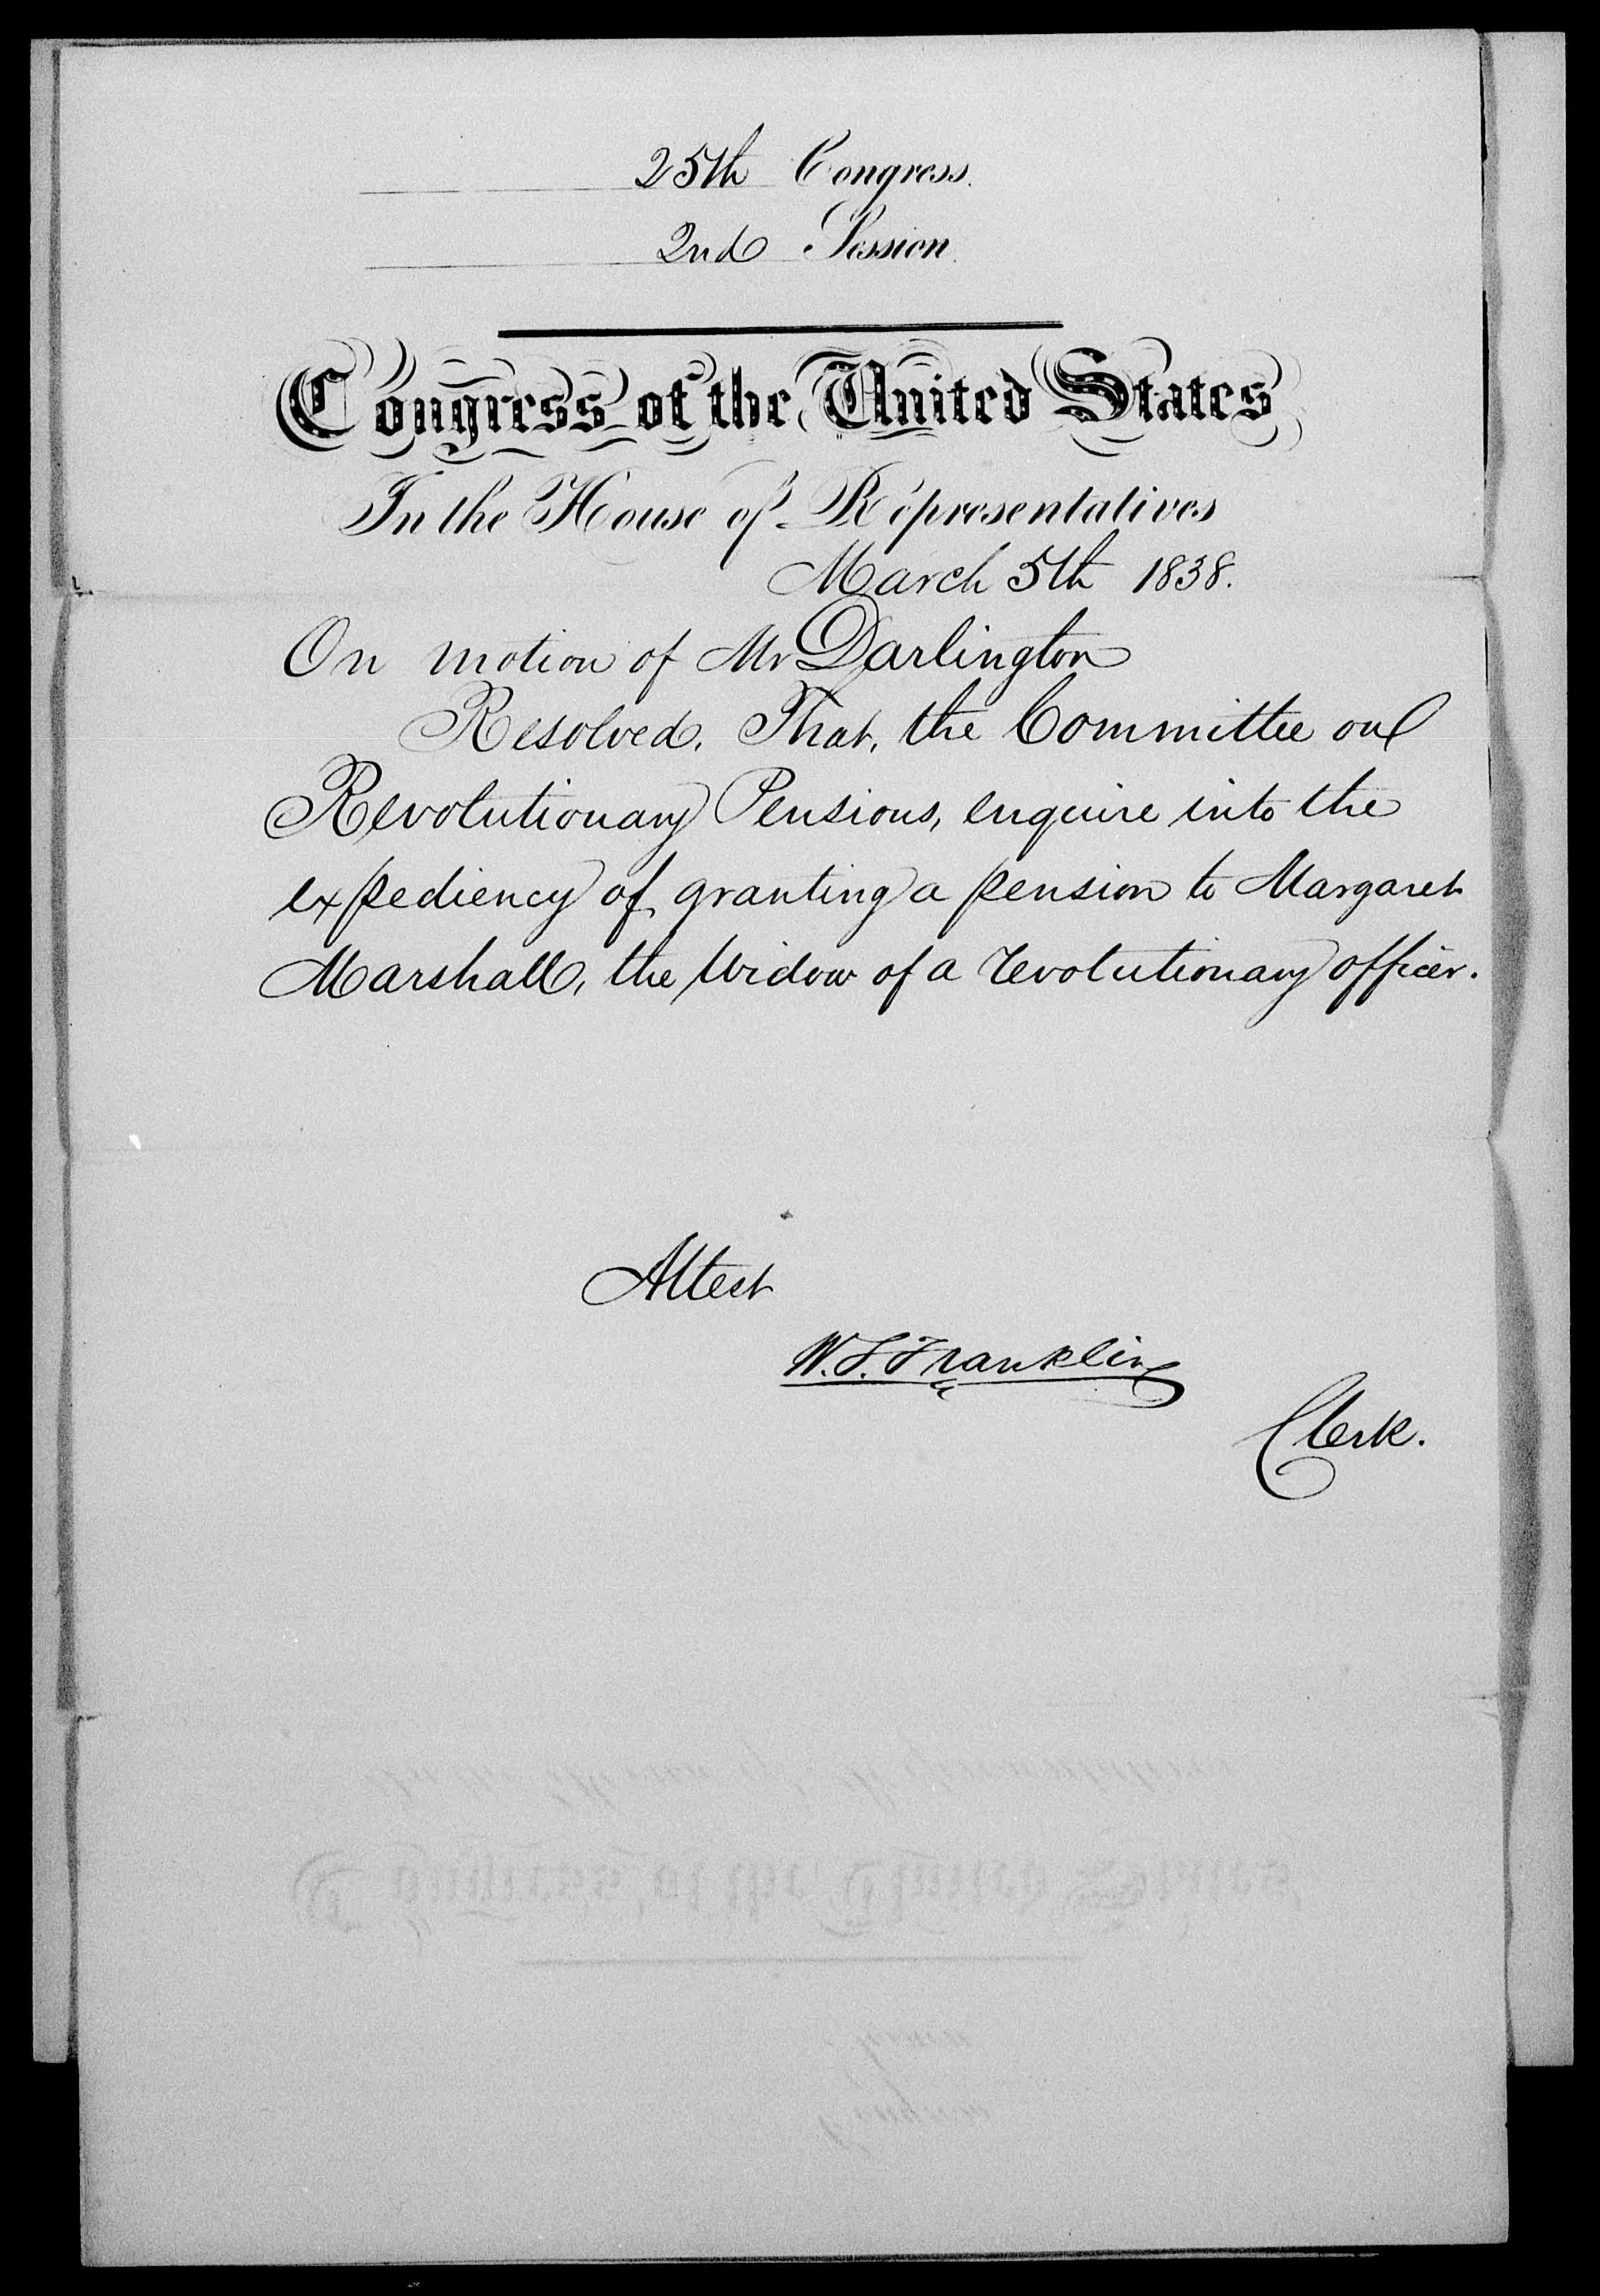25th Congress
2nd Session

Congress of the United States
In the House of Representatives
March 5th 1838
On motion of Mr Darlington
Resolved that the Committee on Revolutionary Pensions, enguire into the expediency of granting a pension to Margaret Marshall, the wido of a revolutionary officer.

[illegible]
W. J Franklin
Clerk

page: 52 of 86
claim: widow's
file: W. 3571, for David Marshall, Pennsylvania